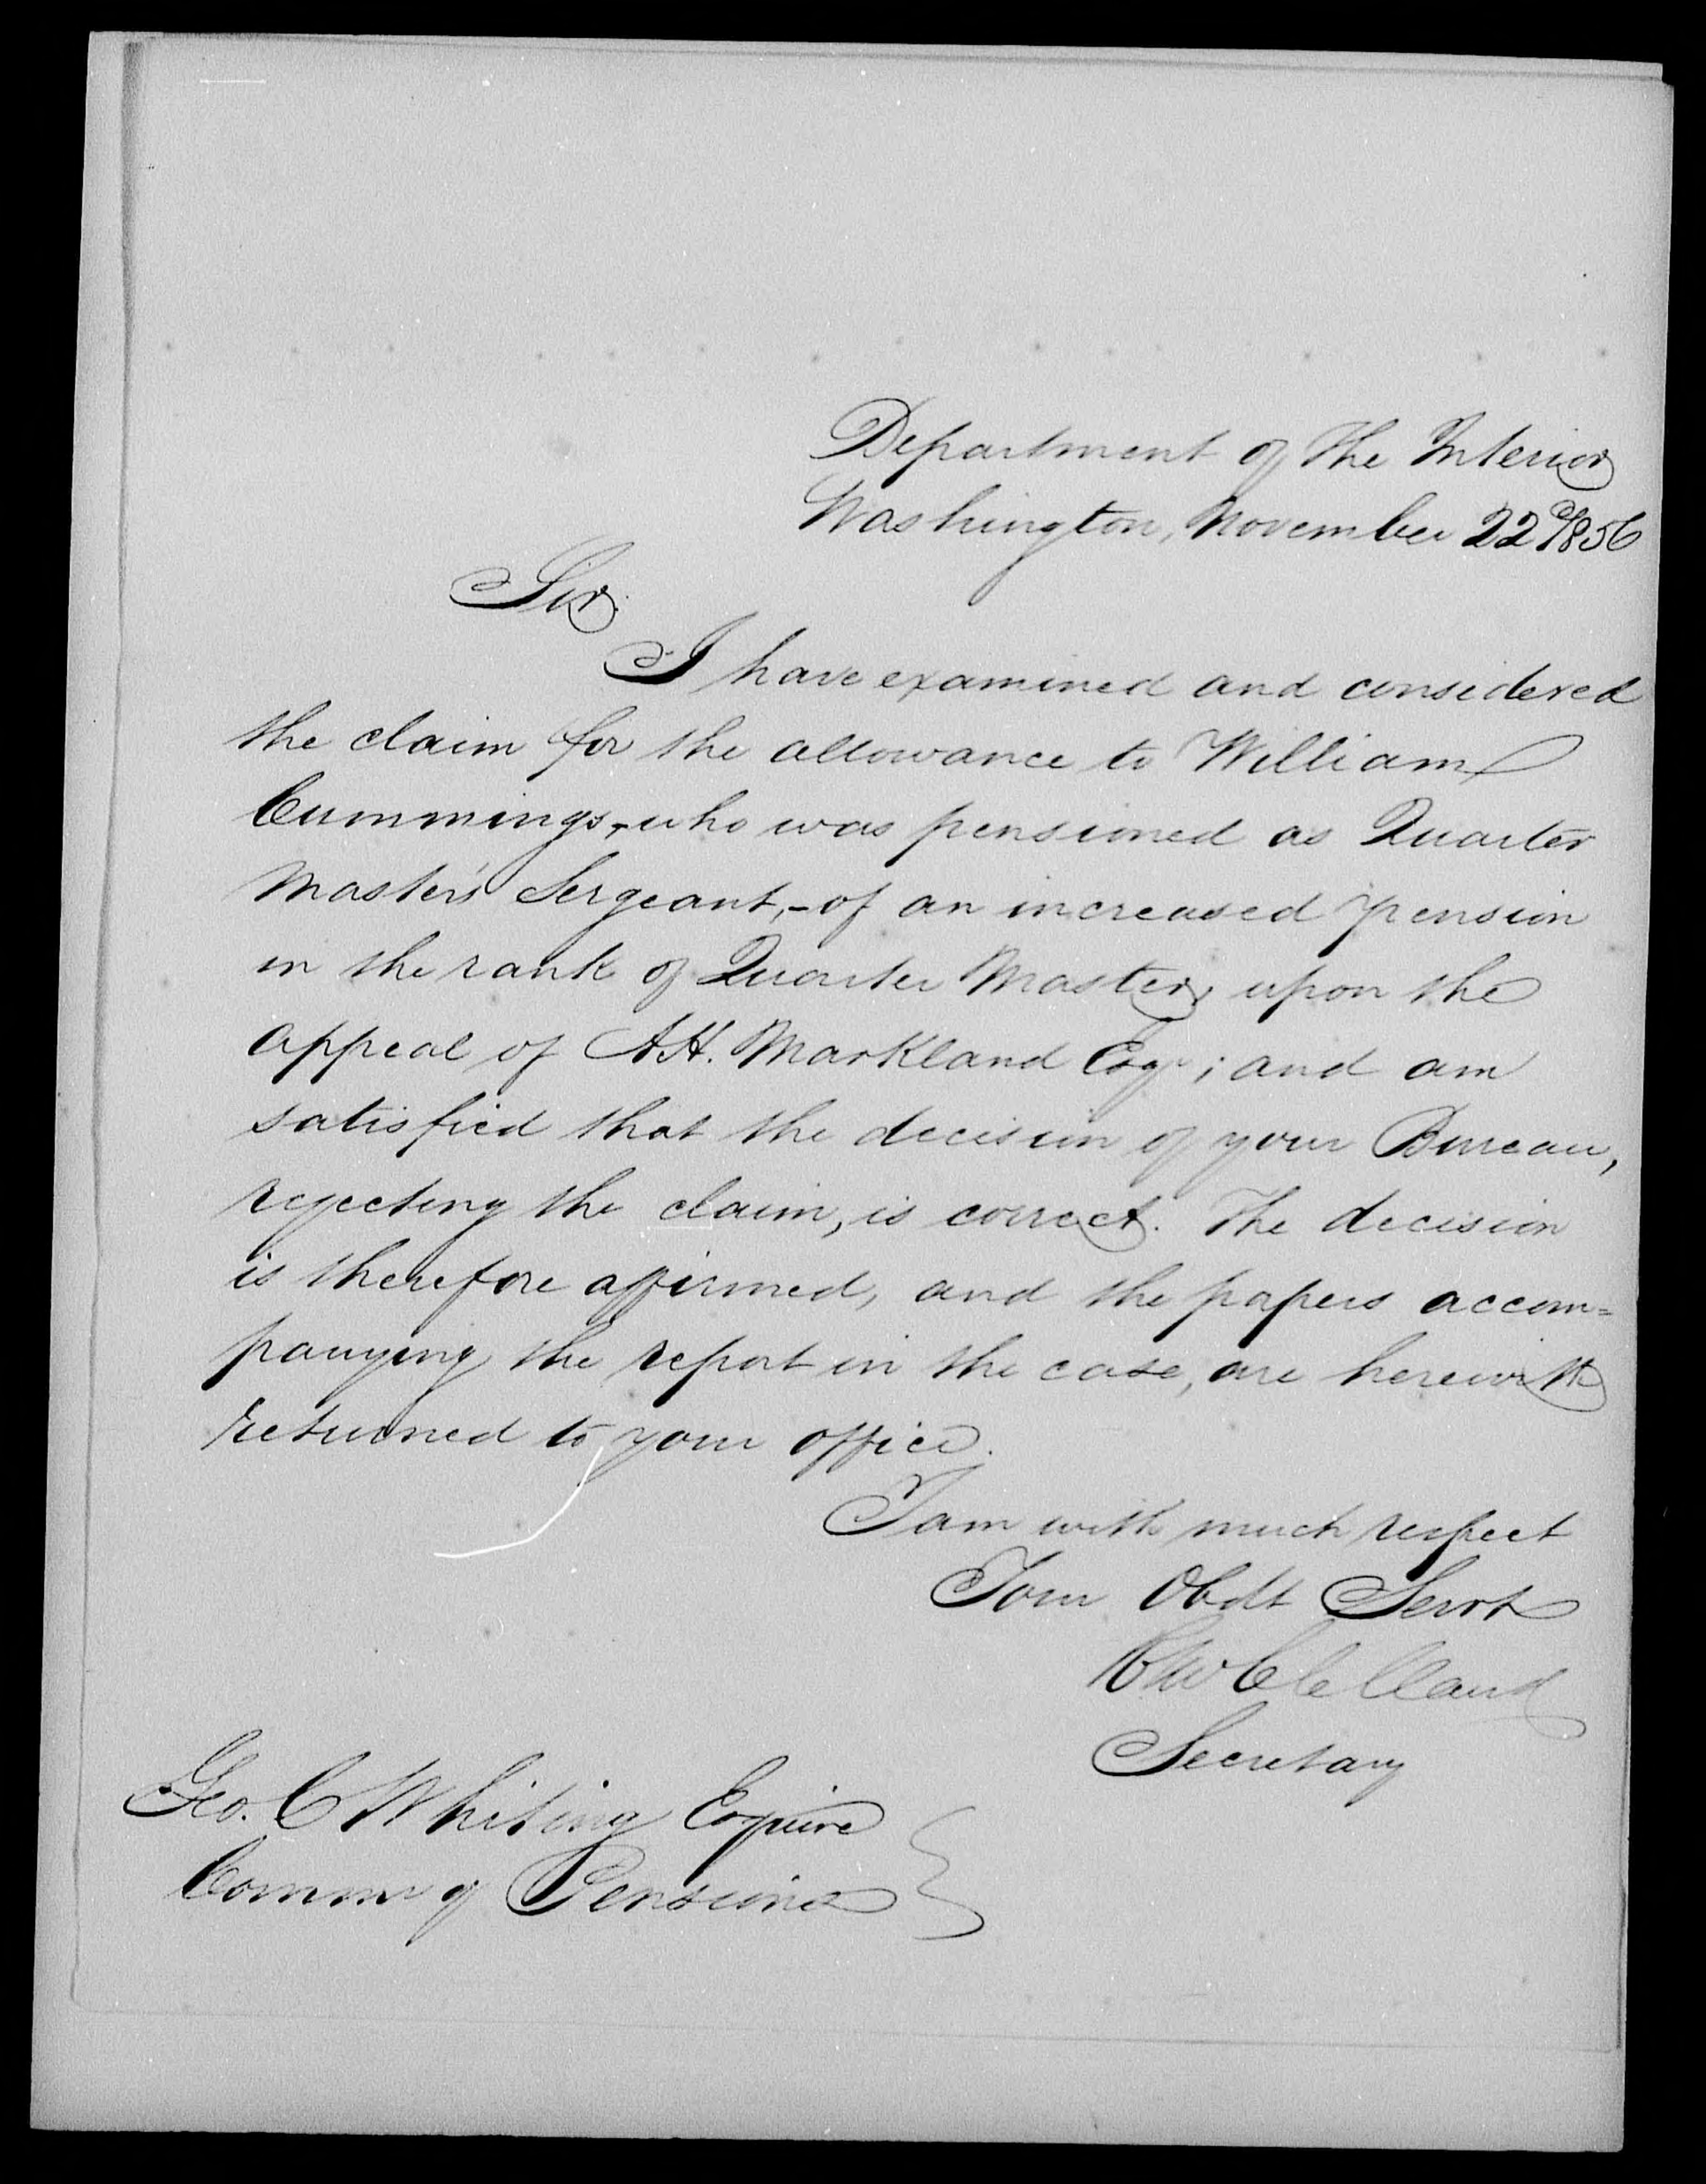[Handwritten letter]

Department of the Interior
Washington, November 22 1856

Sir:
I have examined and considered the claim for the allowance to William Cummings, who was pensioned as Quarter Master's Sergeant, - of an increased pension in the rank of Quarter Master, upon the appeal of A. H. Markland Esqr [Esquire]; and am satisfied that the decision of your Bureau, respecting the claim, is correct.  The decision is therefore affirmed, and the papers accompanying the report in the case, are herewith returned to your office.

I am with much respect
Your Obdt Servt [Your Obedient Servant] 
R [? or B or G] McClelland
Secretary

Geo. C Whiting Esquire)
Commr [Commissioner] of Pensions)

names: A H Markland, C Mc Clelland, William Cummings, Geo C Whiting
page: 68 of 145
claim: survivor's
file: S. 8265, William Cumming, N.C.